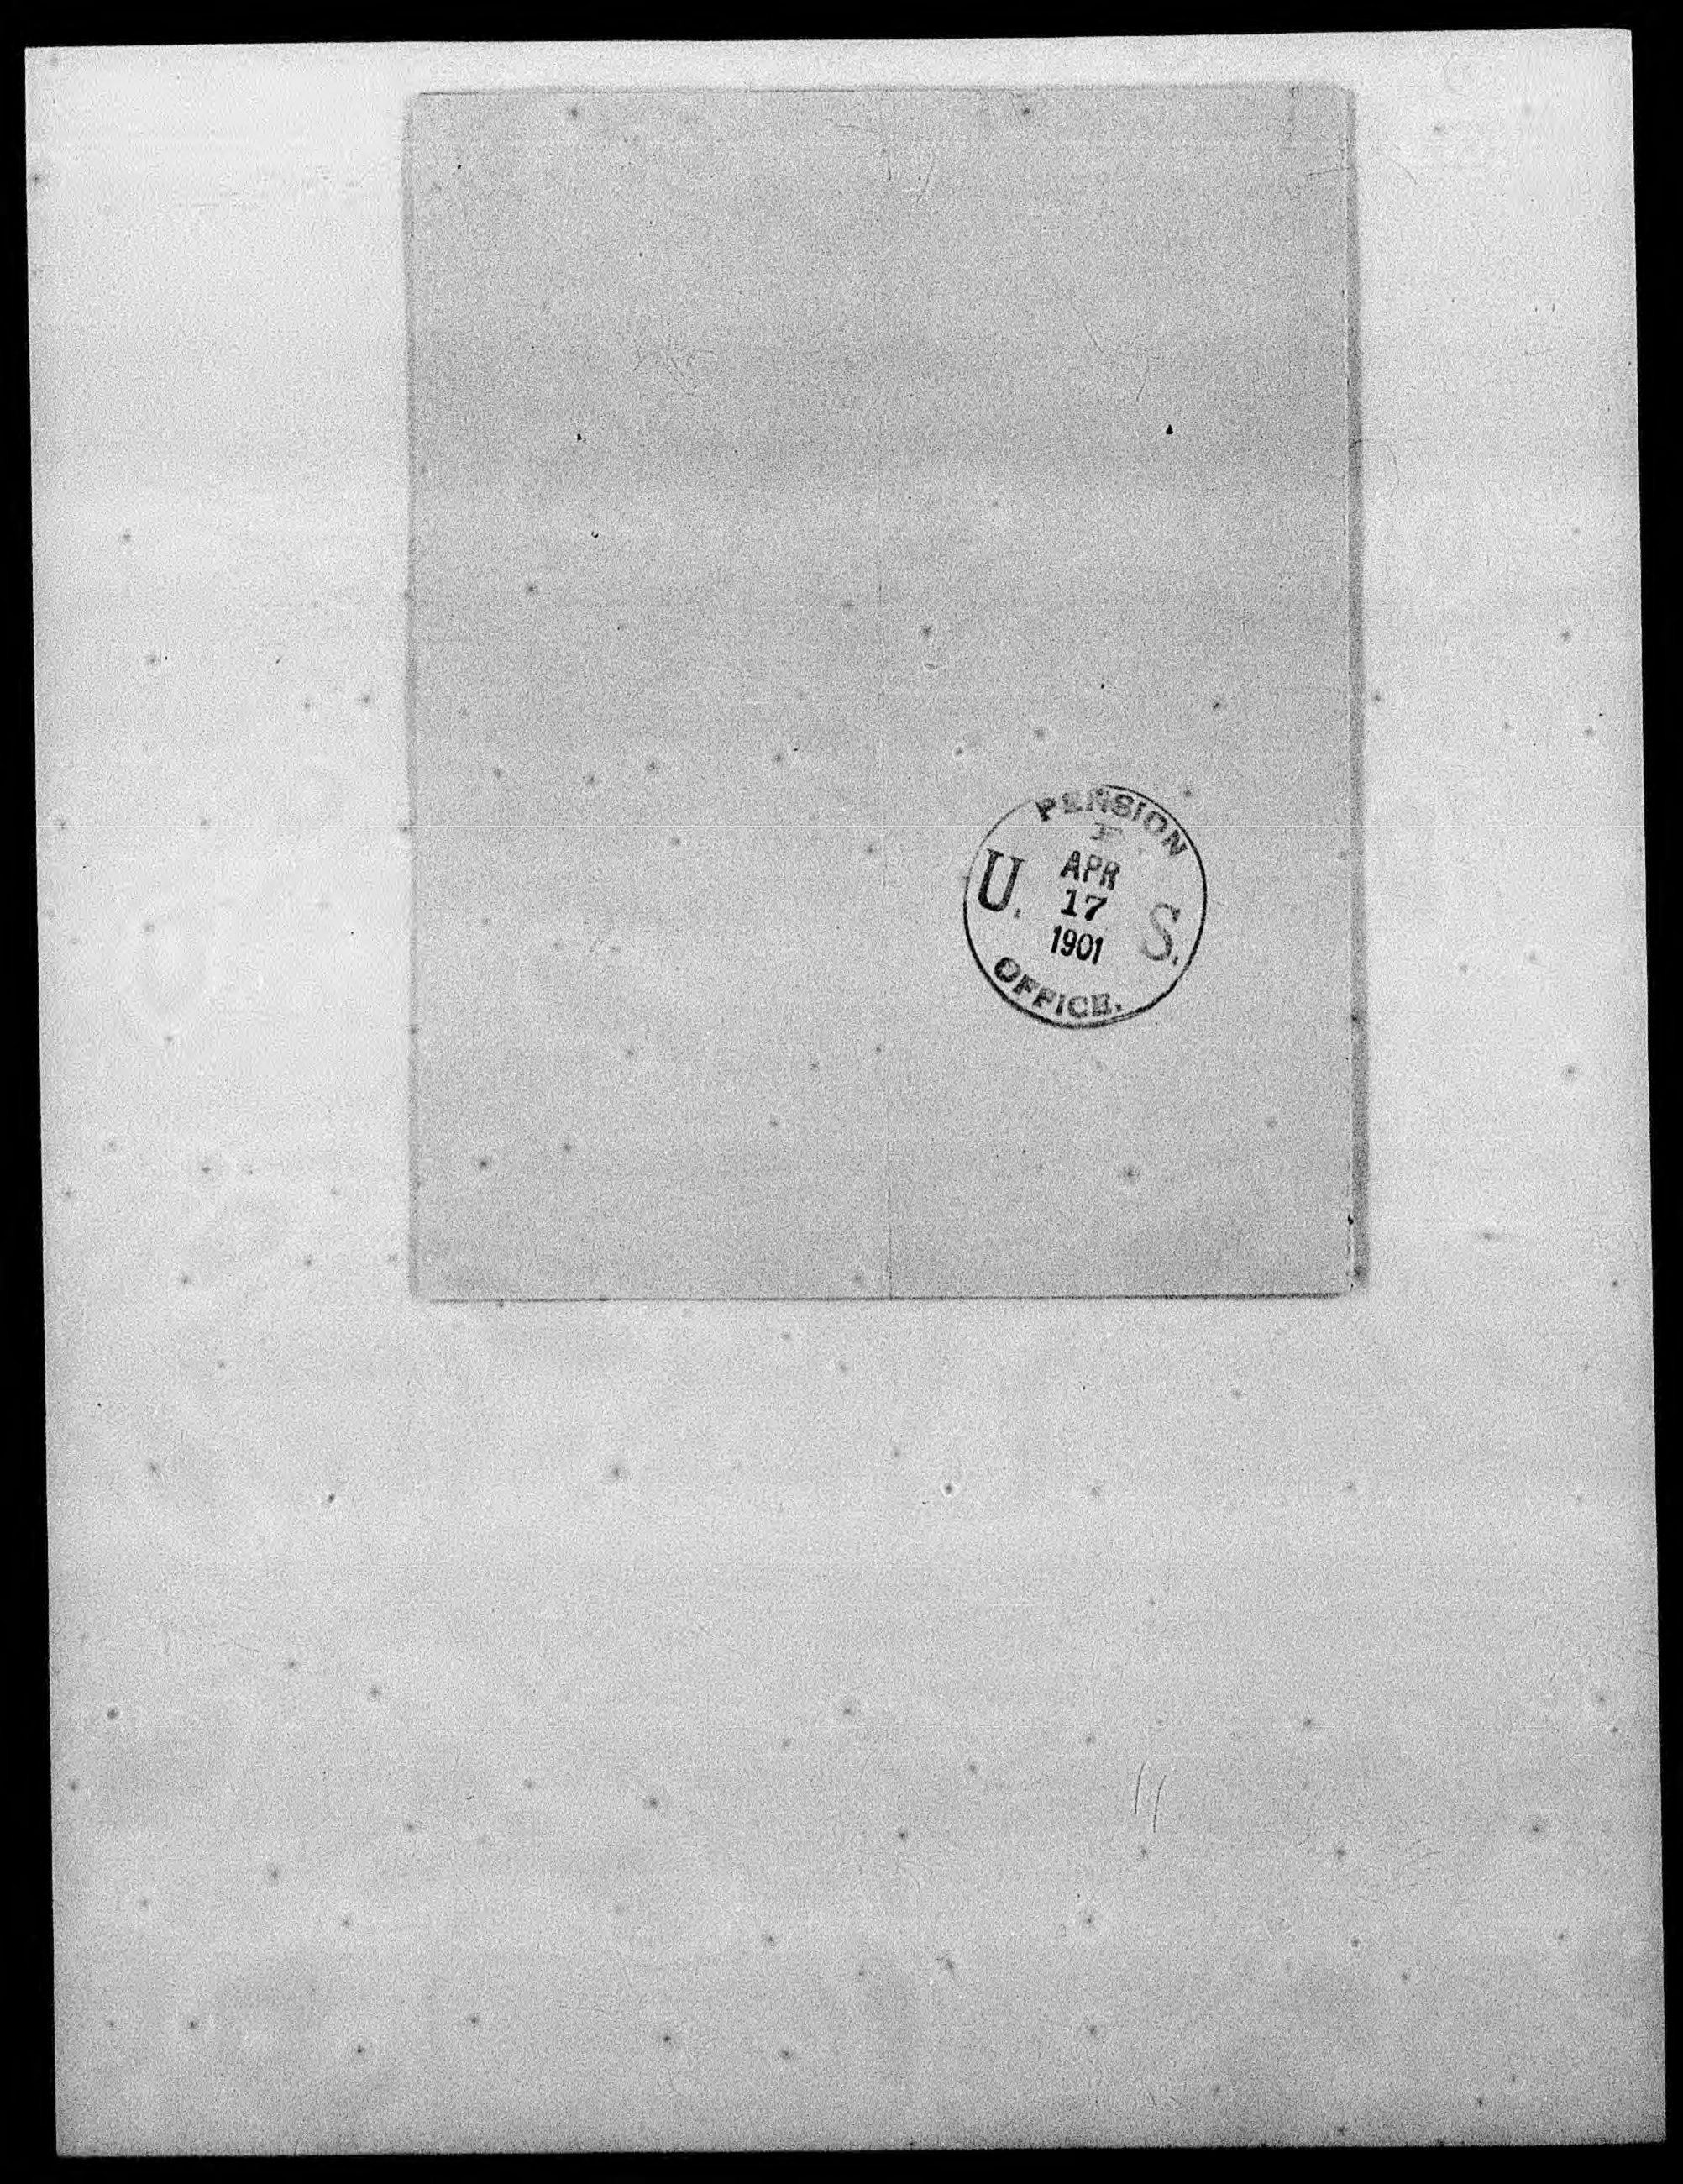[round stamp]
PENSION
APR
U.  17  S.
1901
OFFICE.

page: 19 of 50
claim: widow's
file: W. 4253, for John Kent, Vermont